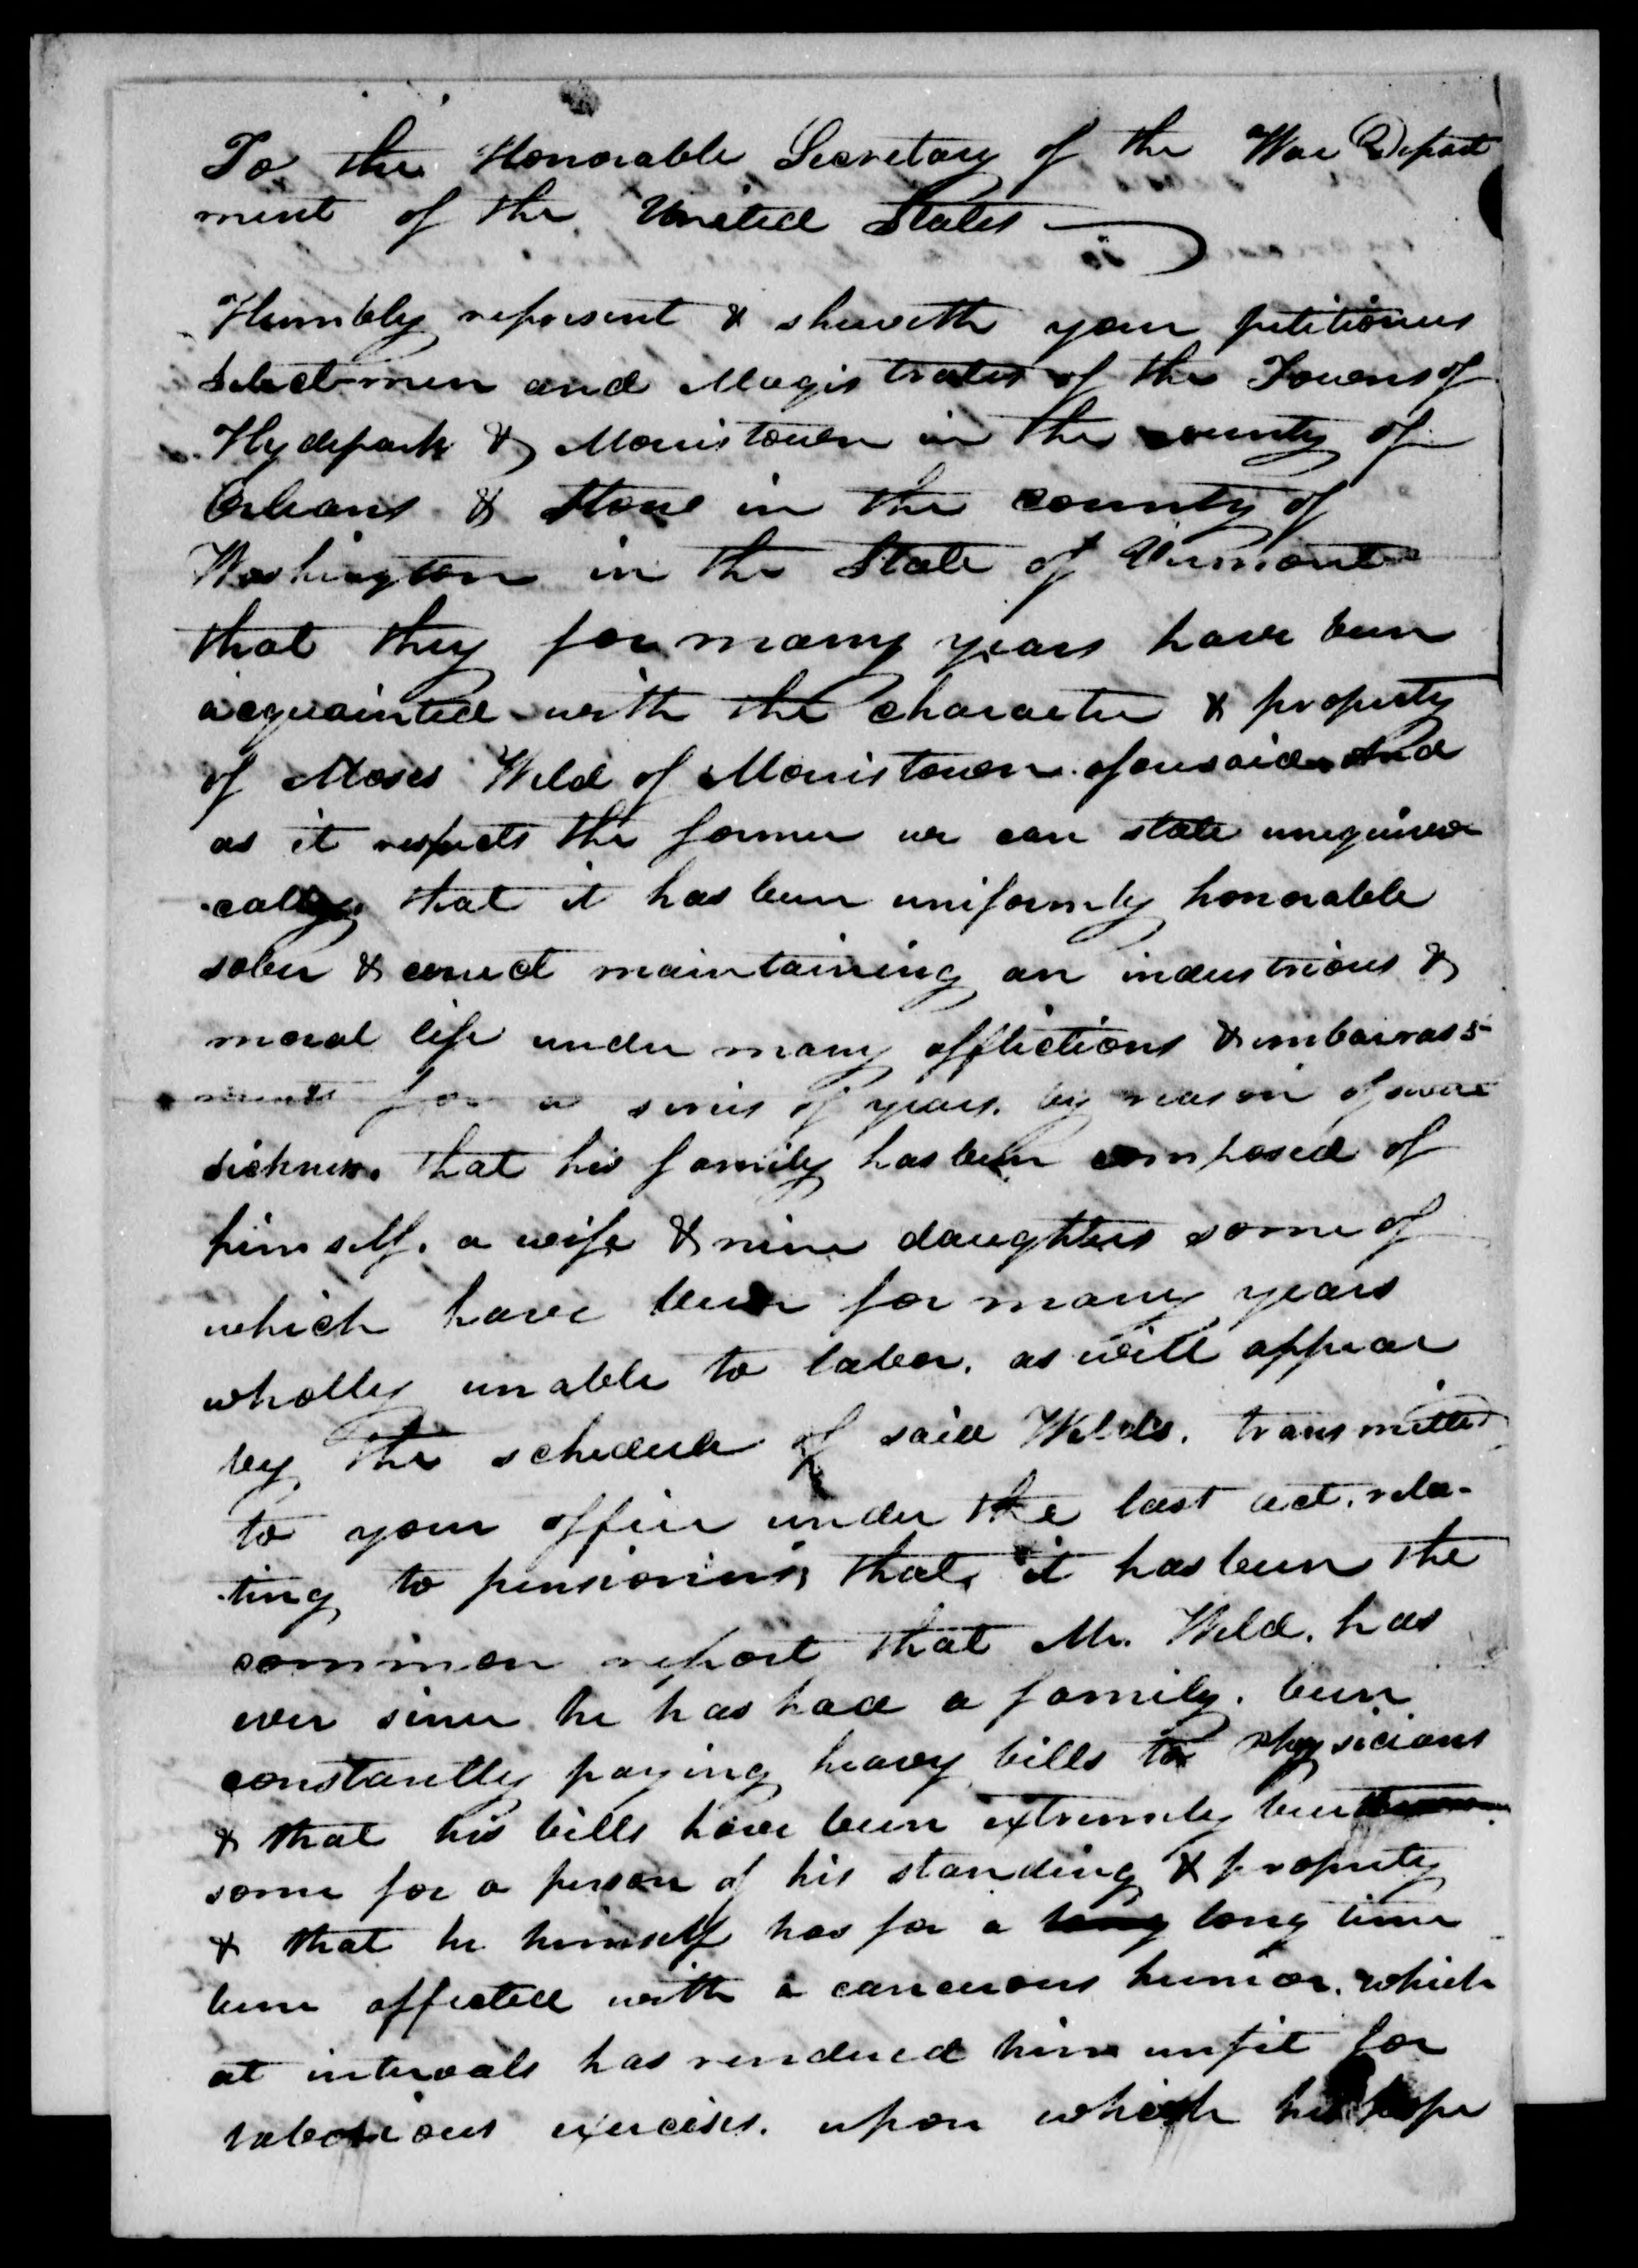To the Honorable Secretary of the War Depart
of the United States-
●
Humbly represent & sheweth your Petitioners
Selectmen and Magistrates of the Towns of
Hydepark & Morristown in the County of
Orleans & Stow in the County of
Washington in the State of Vermont
that they for many years have been
acquainted with the character & property
of Moses Weld of Morristown aforesaid and
as it respects the former we can state unequivocally that it has been uniformly honorable sober & correct maintaining an industrious & moral life under many afflictions & embarrassments for a series of years, by reason of severe sickness that his family has been composed of himself, a wife & nine daughters some of which have been for many years wholly unable to labor, as will appear
by the schedule of said Welds. transmitted
to your office under the last act relating
to pensioner that it has been the
common report that Mr. Weld has
ever since he has had a family been
constantly paying heavy bills for physicians
& that his bills have been extremely [burdensome?] for a person of his standing & property & that he himself has for a long time
been affected with a cancerous humor which
at intervals has rendered him unfit for laborious exercises upon which he [illegible]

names: Moses Weld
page: 70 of 87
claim: widow's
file: W. 25,966, Moses Weld, Mass.